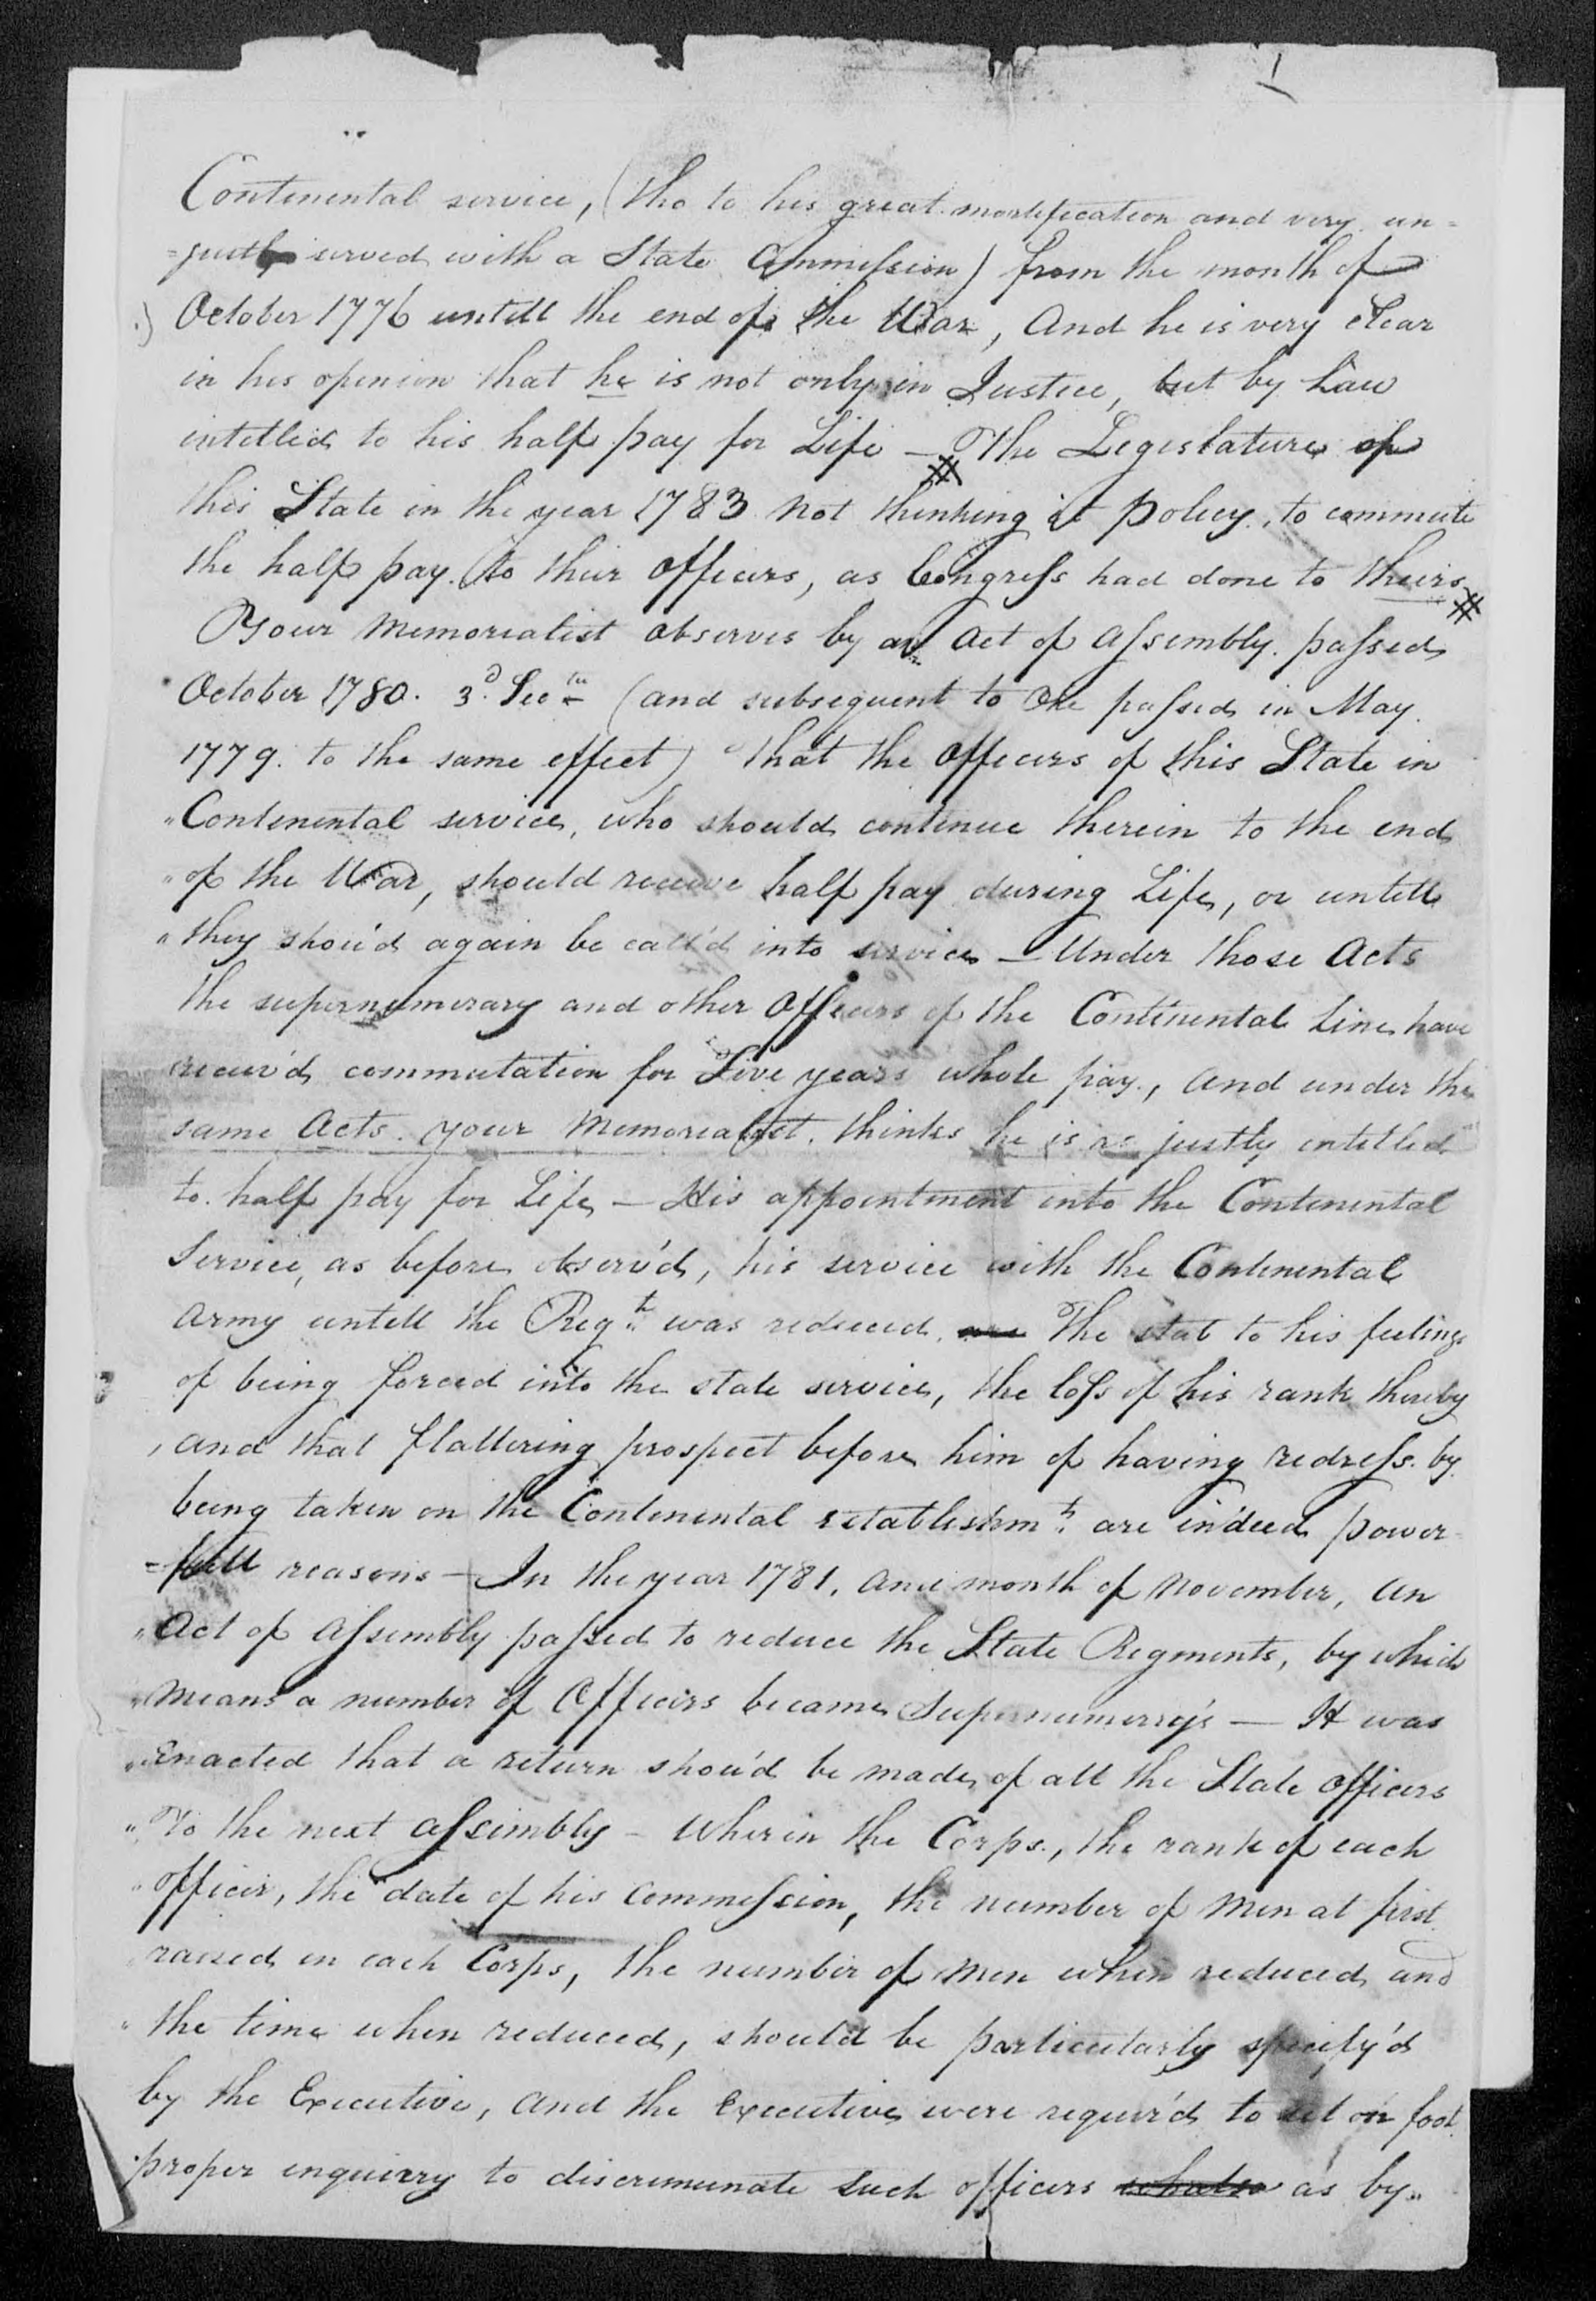Continental service, (tho to his great mortification and very unjustly served, with a State Commission) from the month of October 1776 untill the end of the War, And he is very clear in his opinion that he {underlined] is not only in Justice, but by Law entitled to his half pay for Life ---  [subscrpt] # On the Legislature of this State in the year 1783 not thinking it policy to commute the half pay to their officers, as Congress has done to [underline begin] theirs. [underlined end] [subscrpt] #
Your Memorialist observes by an Act of Assembly passed October 1780.  3d.  Sectn (and subsequent to One passed in May. 1779. to the same effect) that the officers of this State in  Continental service, who should continue therein to the end of the War, should receive half pay during Life, or untill they should again be call'd into service ___ Under those Acts the supernumerary and other Officers of the Continental Line have received commutation for Five years whole pay, And under the same Acts your Memorialist, thinks he is as justly entitled to half pay for Life  ___  His appointment into the Continental Service, as before observ'd, his service with the Continental Army untill the Regt. was reduced, [cross out not legible] The start to his feeling of being forced into the state service, the loss of his rank thereby, and that flattering prospect before him of having redress by being taken on the Continental establishmt. are indeed powerfull reasons -- In the year 1781, and month of November, An Act of Assembly passed to reduce the State Regiments, by which means a number of Officers became Supernumerary's --- It was Enacted that a return shou'd be made of all the State officers at the next assembly -- Wherin the Corps., the rank of each officer, the date of his commission, the number of men at first raised in each Corps, the number of men when reduced, should be particularly specify'd by the Executive, and the Executive were requir'd to set on foot proper enquiry to discriminate such officers [crossed out illegible word] as by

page: 104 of 267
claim: widow's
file: W. 4,149, William Campbell, Va.